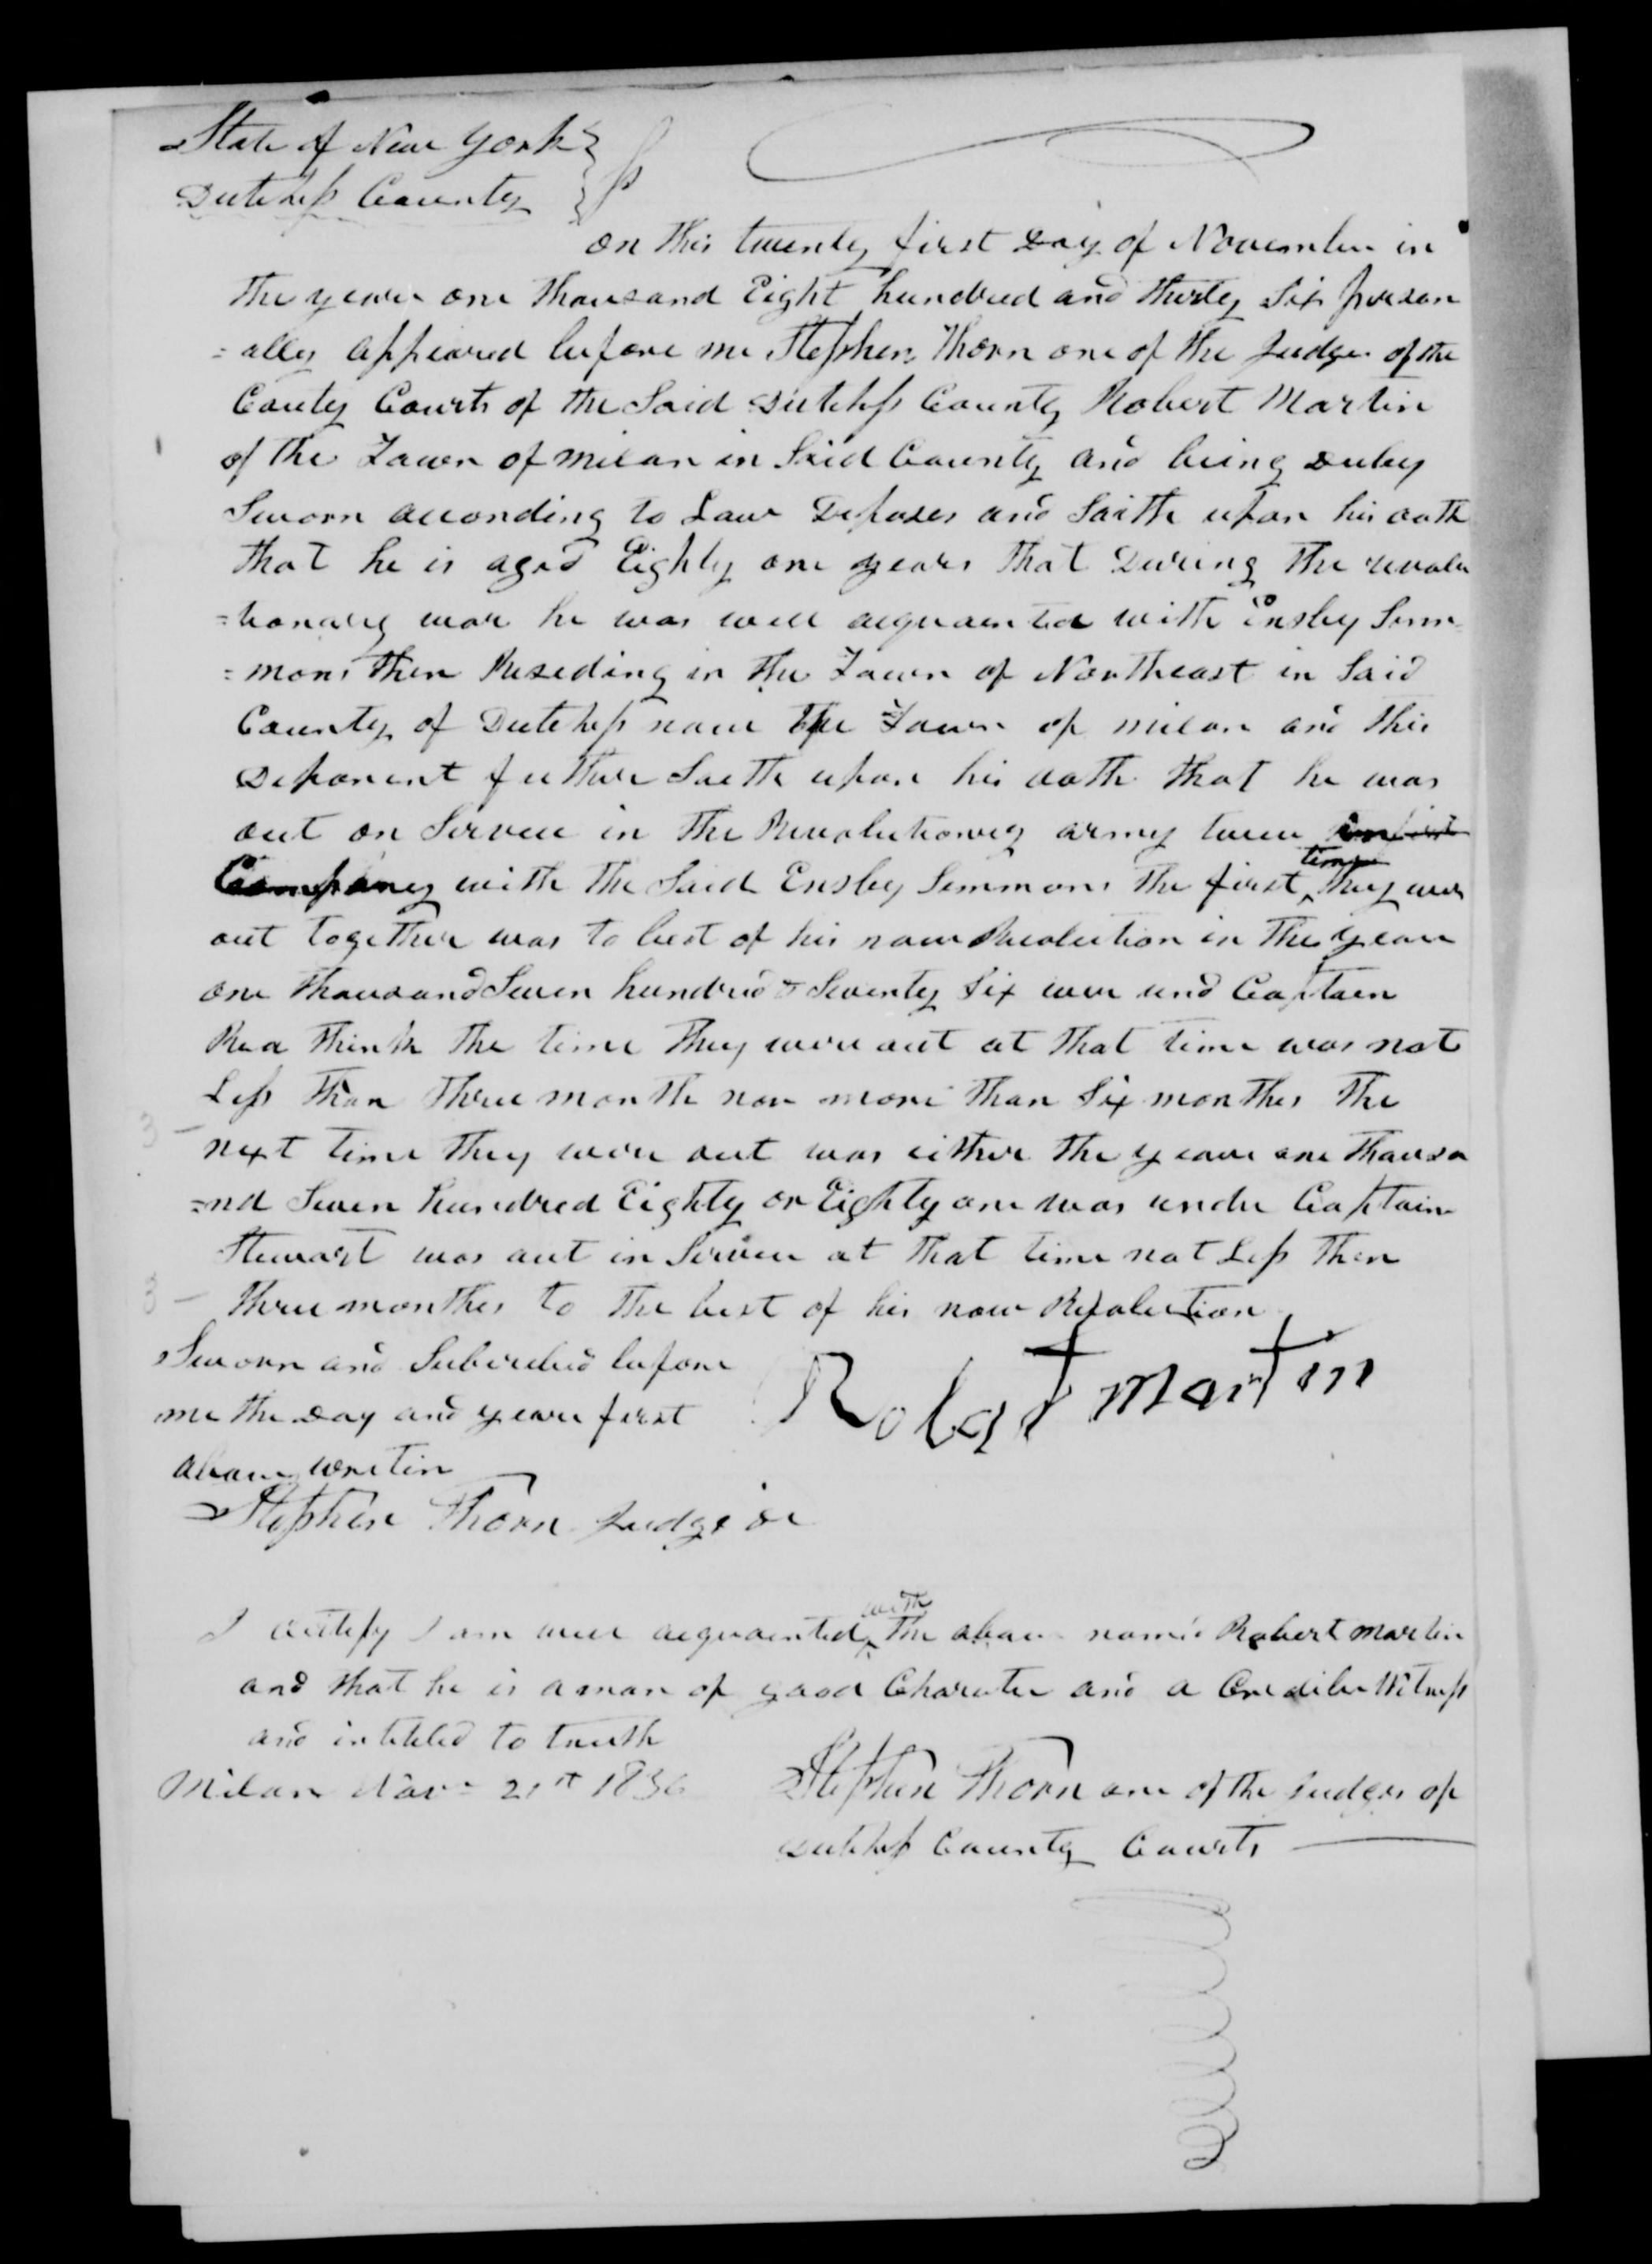State of New York
Dutchess County
On this twenty first day of November in
the year one thousand Eight hundred and thirty six personally appeared before me Stephen Thorn one of the Judges of the
County Court of the Said Dutchess County Robert Martin of the Town of Milan in Said County and being duly
Sworn according to Law Deposes and Saith upon his oath
that he is aged Eighty one years that during the revolutionary war he was well acquainted with Ensly Simmons
then residing in the Town of Northeast in said
County of Dutchess near the Town of Milan and this
Deponent further saith upon his oath that he was
out on service in the Revolutionary army [xx]
Company with the said Ensley Simmons the first time they were
out together was to best of his now recolection in the year
One thousand Seven hundred & Seventy Six [xx] and Captain
Thorn thinks the time they were out at that time was not
less than three month nor more than six months. The next time they were out was either the year one thousand Seven hundred Eighty or eighty one was under Captain Stewart was out in service at that time not less then
three months to the best of his now recollection.
Sworn and Subscribed before
me the day and year first above written

Stephen Thorn Judge 
[signed Robert Martin in his hand].
I certify I am well acquainted with the above named Robert Martin
and that he is a man of good character and a credible Witness
and intitled to truth
Milan Nov 21st 1836
Stephen Thorn one of the Judges of
Dutchess County Courts-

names: Stephen Thorn; Robert Martin; Robert Martin; [BLANK] Red; Robert Martin; Stephen Thorn; Stephen Thorn; Ensley Simmons; [BLANK] Stewart; Ensley Simmons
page: 25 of 29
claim: widow's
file: W. 19,032, for Ensley Simmons, New York